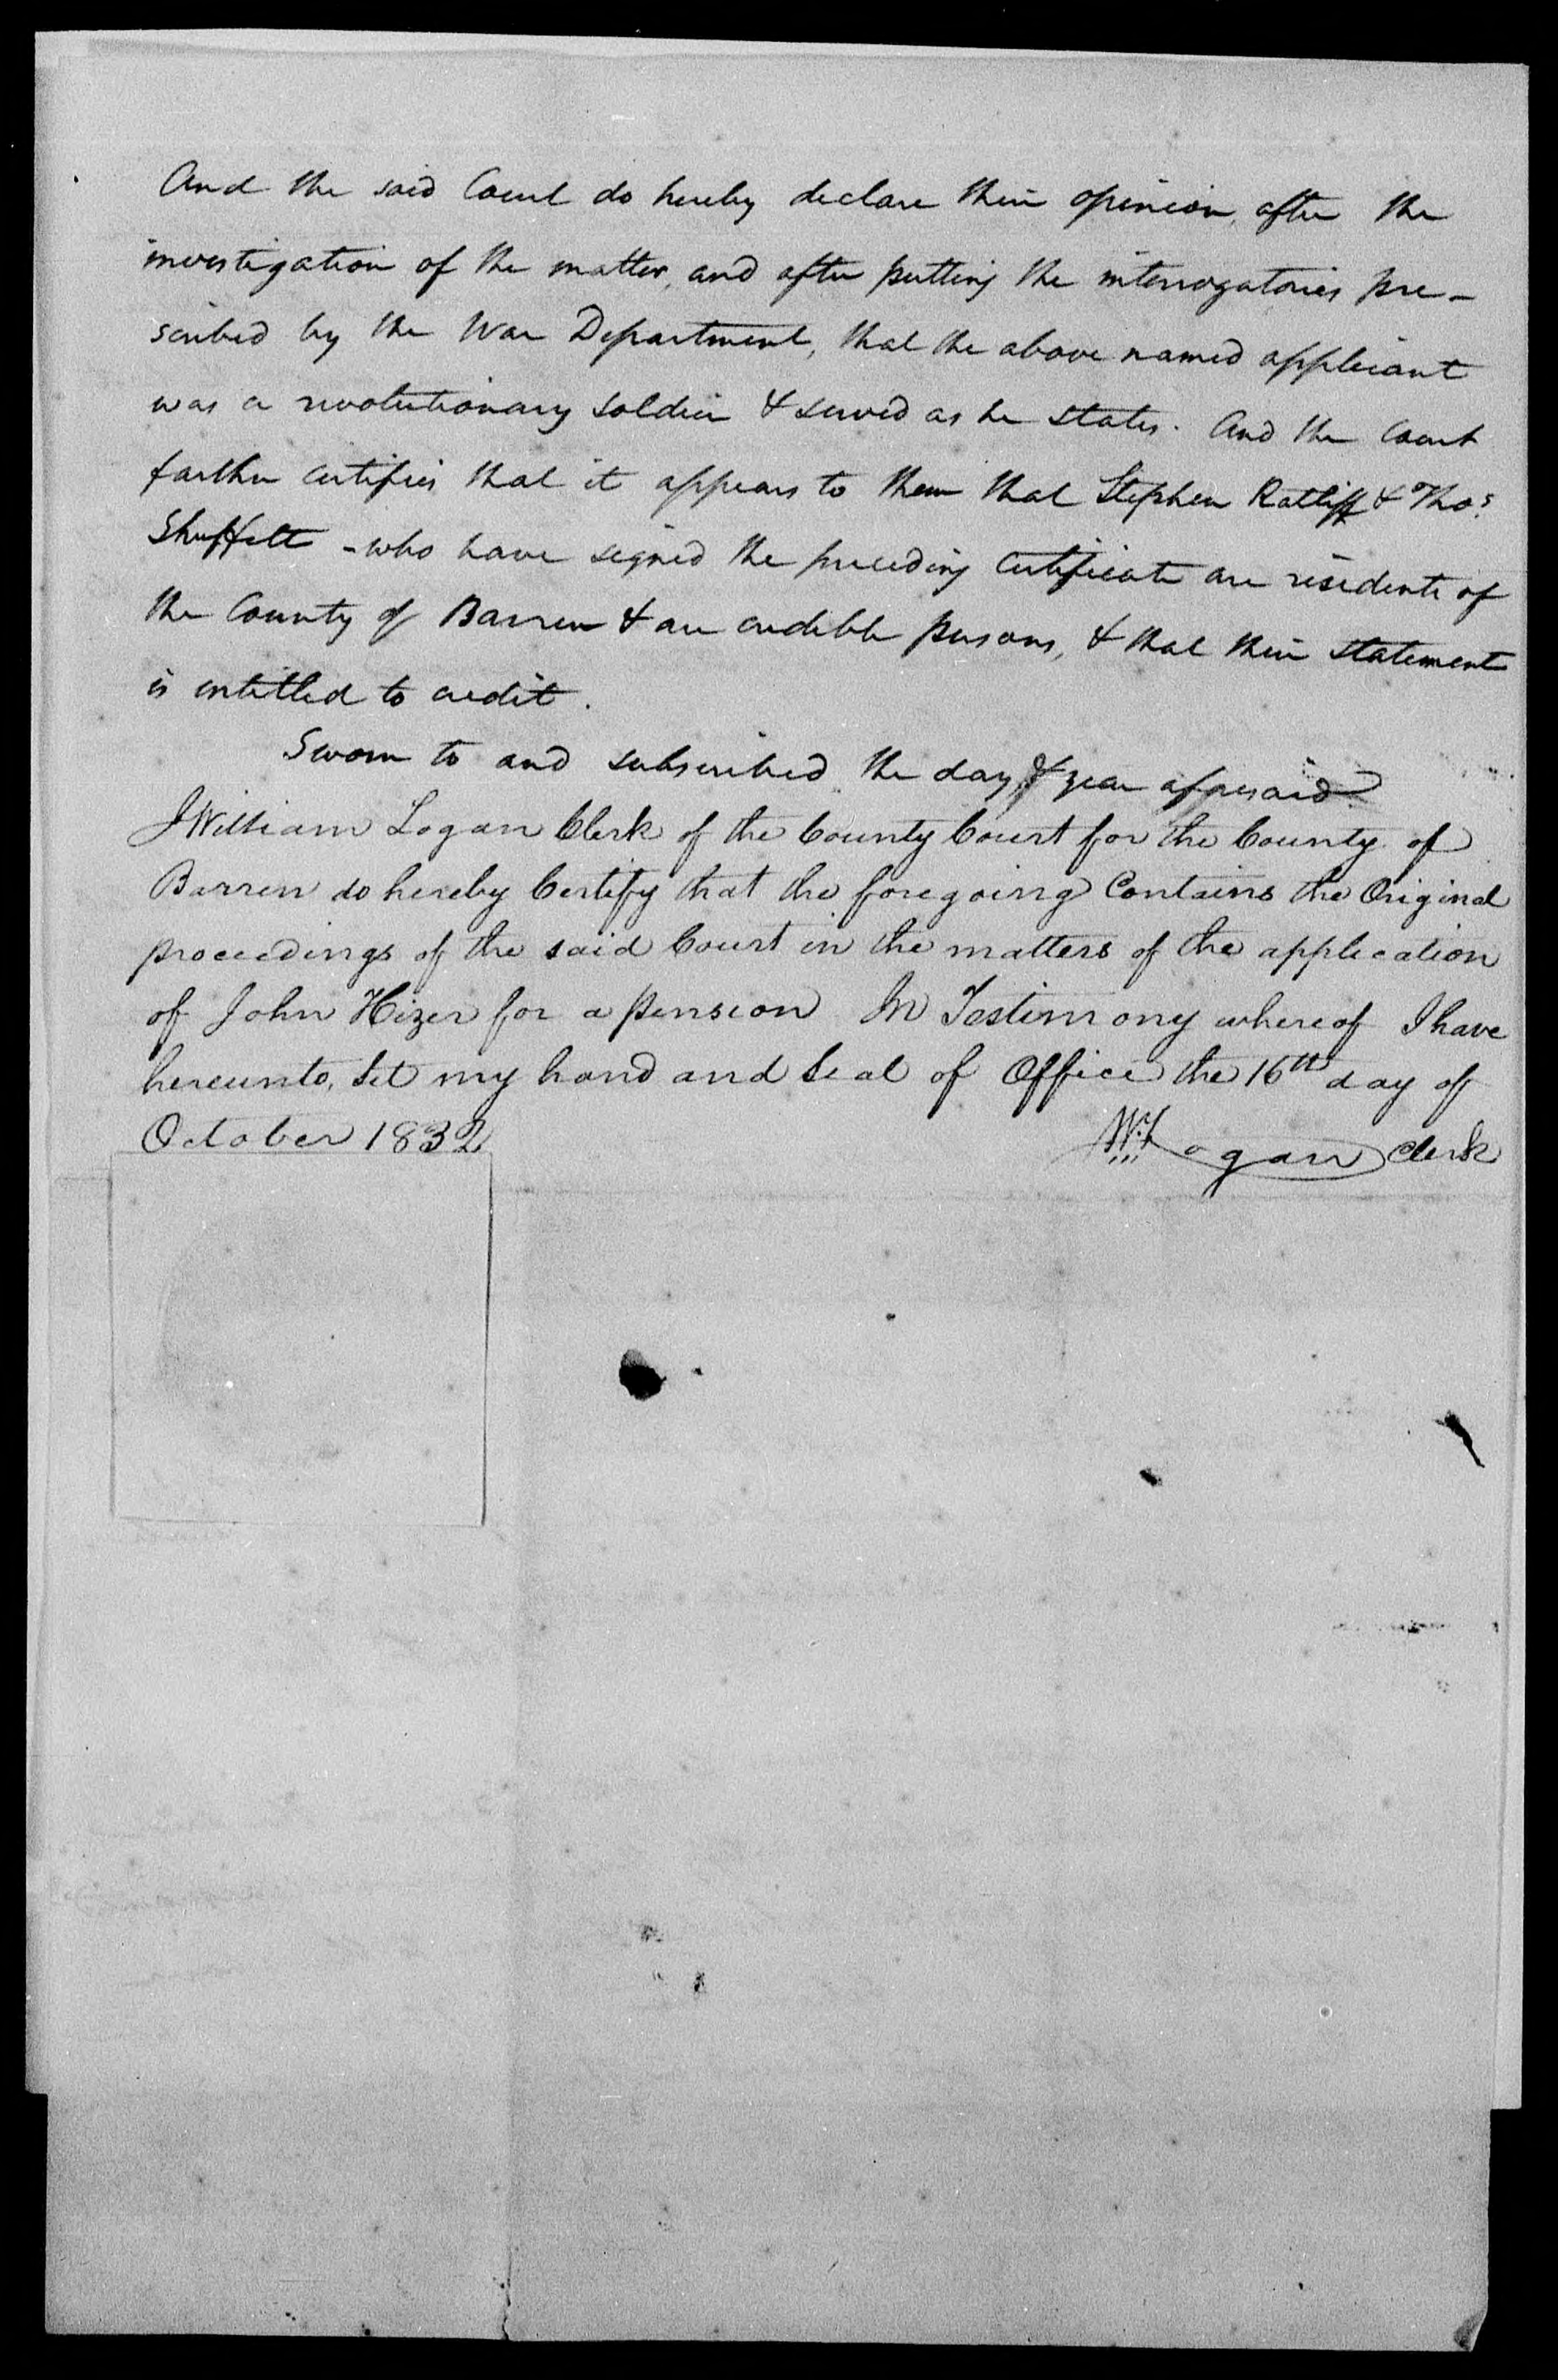And the said Court do hereby declare their opinion, after the
investigation of the matter, and after putting the interrogatories prescribed
by the War Department, that the above named applicant
was a revolutionary soldier & served as he states. And the Court
further certifies that it appears to them that Stephen Ratliff & Thos
Shuffett who have signed the preceding certificate are residents of
the County of Barren & are credible persons, & that their statement
is entitled to credit.
Sworn to and subscribed the day & year aforesaid
J William Logan Clerk of the County Court for the County of
Barren do hereby certify that the foregoing contains the original
proceedings of the said Court in the matter of the application
of John Hizer for a pension In Testimony whereof I have
hereunto set my hand and Seal of Office the 16th day of
October 1832
W. Logan Clerk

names: William Logan, Thos Shuffitt, John Hizer, Stephen Ratliff, W Logan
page: 9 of 58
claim: widow's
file: W. 8932, John Hiser, Penn.